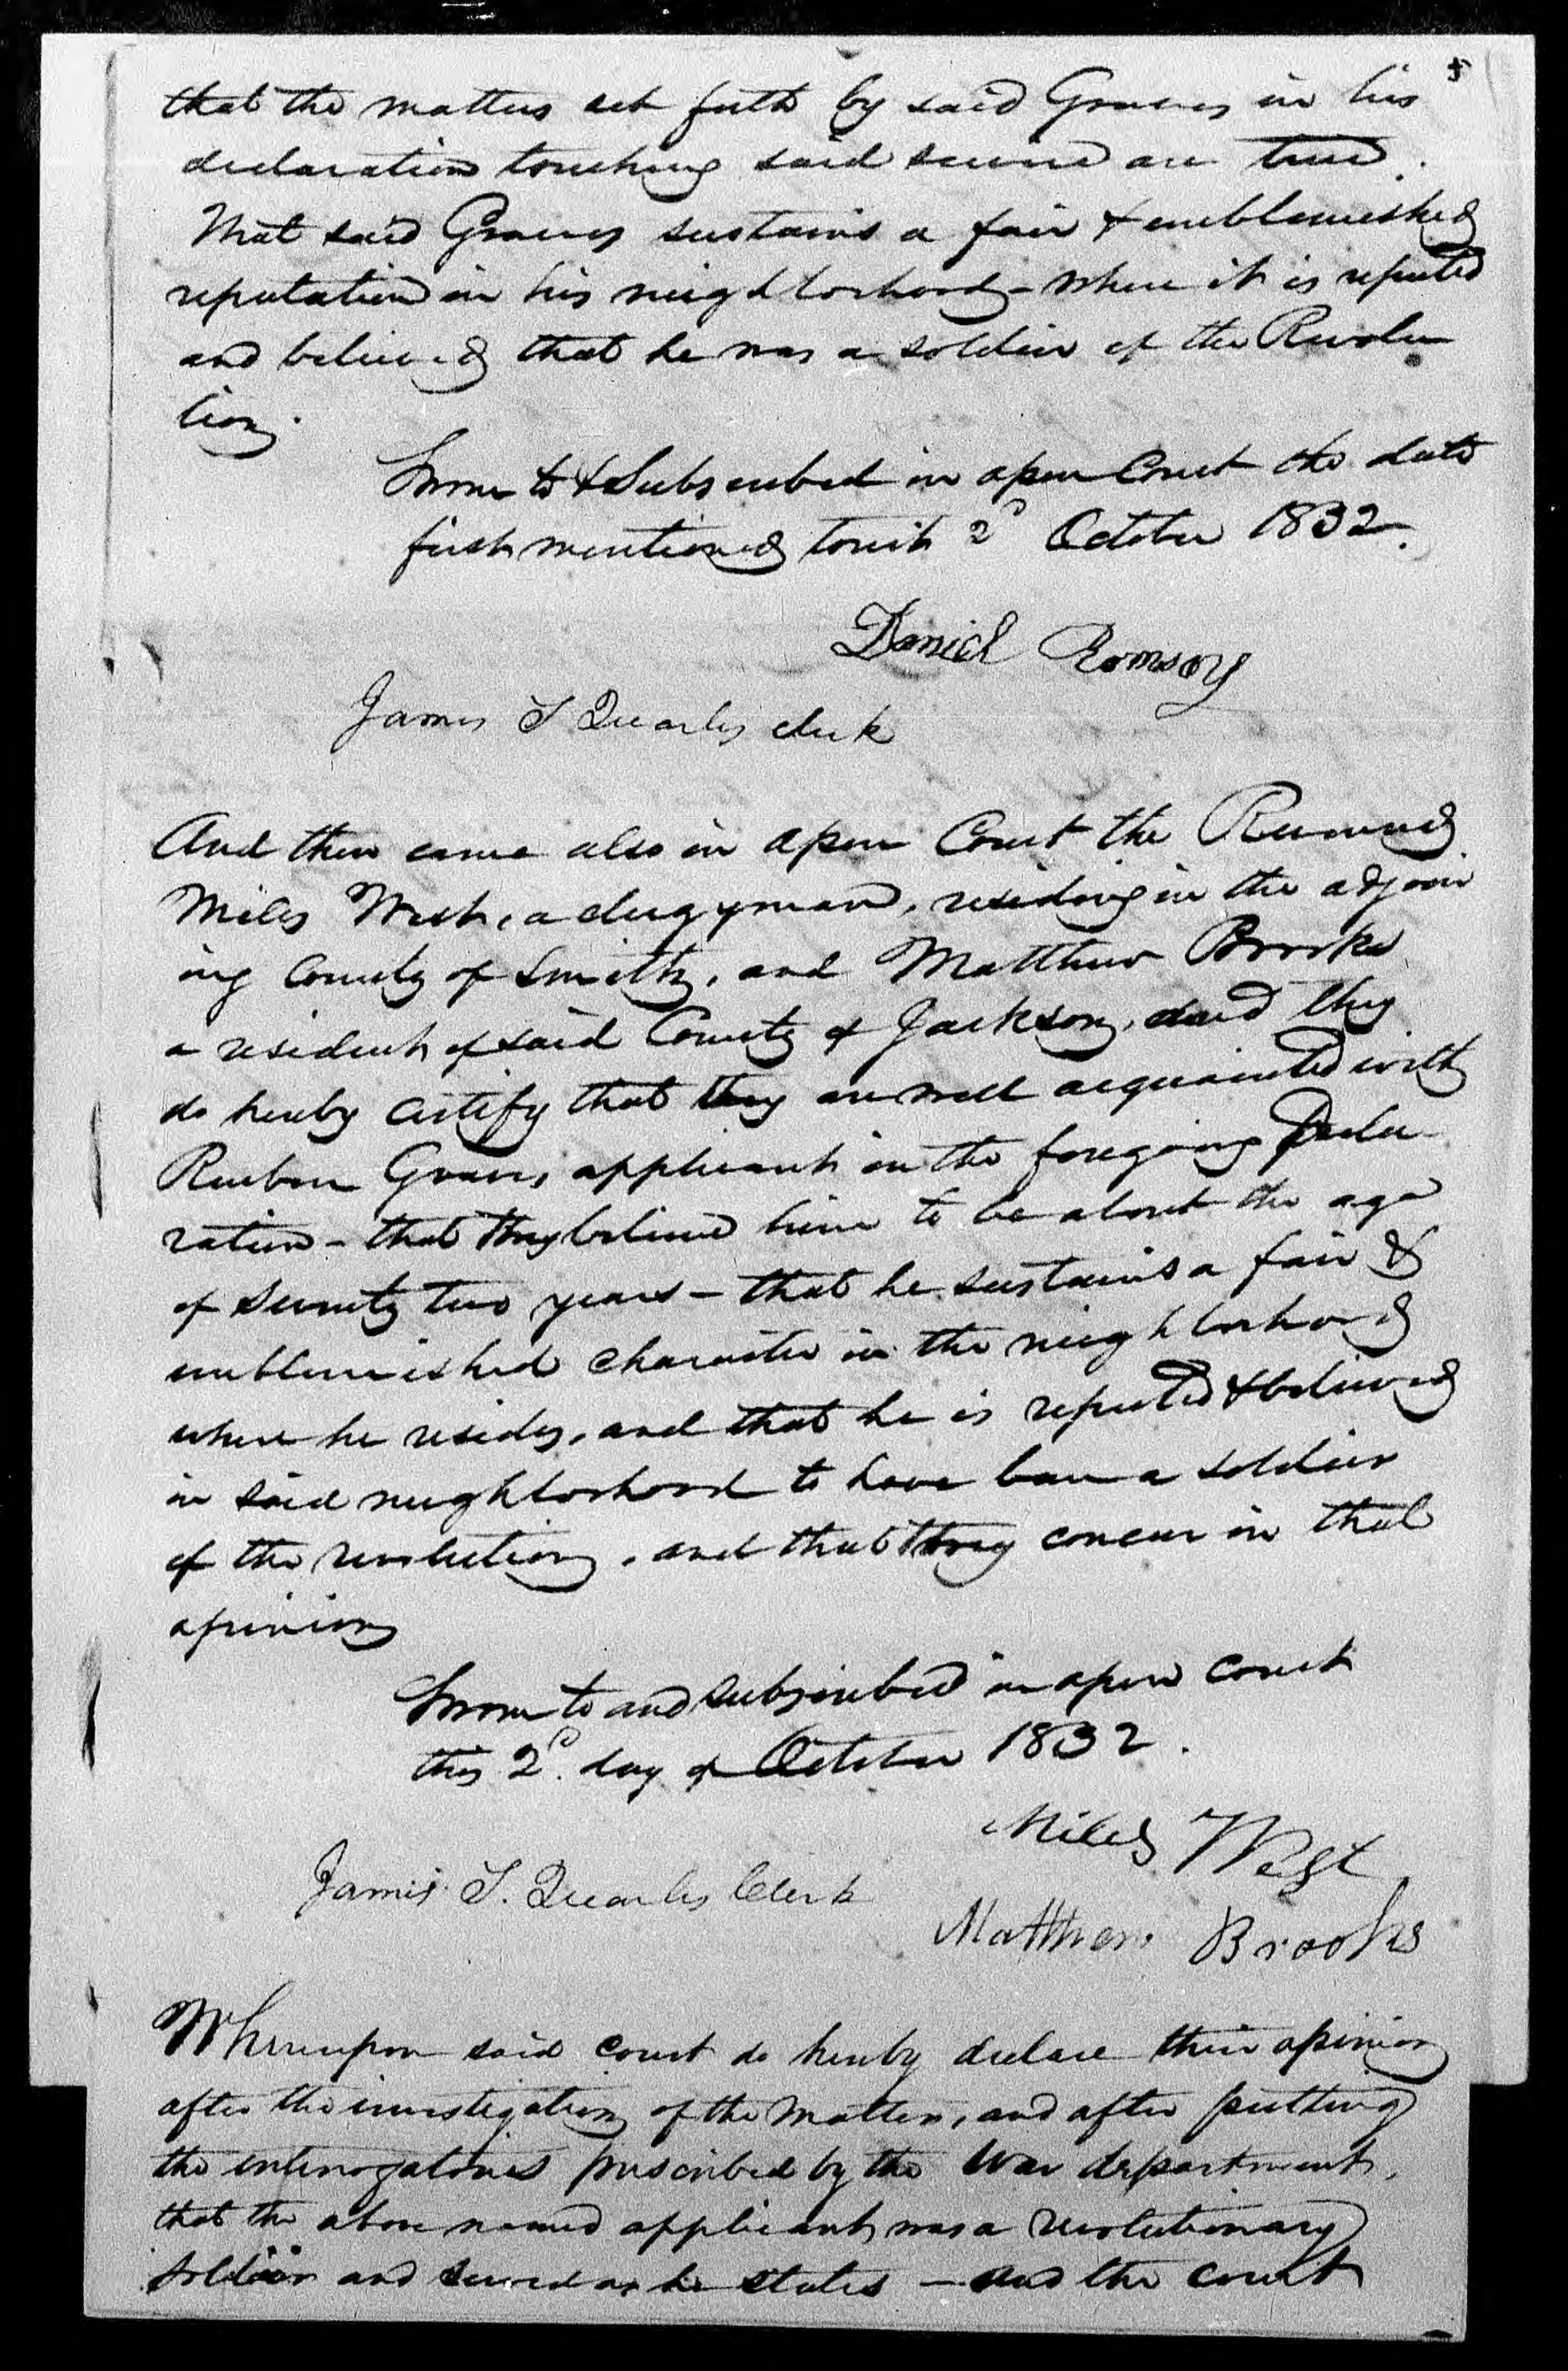that the matters set forth by said Graves in his declaration touching said service are true.
What said Graves sustains a fair and unblemished reputation in his neighborhood - where it is reputed and believed that he was a soldier of the Revolution.

Sworn to and subscribed in open court the date first mentioned this 2nd October 1832.

Daniel Ramsey

James T. Quarles Clerk

And then came also in open court the Reverend Miles West, a clergyman, residing in the adjoining county of Smith, and Matthew Brooks a resident of said County of Jackson, and they do hereby certify that they are well acquainted with Ruben Graves, applicant in the foregoing declaration - that they believe him to be about the age of seventy two years - that he sustains a fair and unblemished character in the neighborhood where he resides, and that he is reputed and believed in said neighborhood to have been a soldier of the revolution, and that they concur in that opinion.

Sworn to and subscribed in open court this 2nd day of October 1832.

Miles West
Matthew Brooks

James T. Quarles Clerk

Whereupon said court do hereby declare their opinion  after the investigation of the matter, and after putting the interrogatories prescribed by the War Department, that the above named applicant was a revolutionary soldier and served as he states - saith this court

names: Graves, Daniel Ramsey, Matthew Brooks, Miles West, Miles West, Matthew Brooks, James T Quarles, Reuben Graves, Graves, James T Quarles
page: 8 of 22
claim: survivor's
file: S. 3408, Reuben Graves, Va.